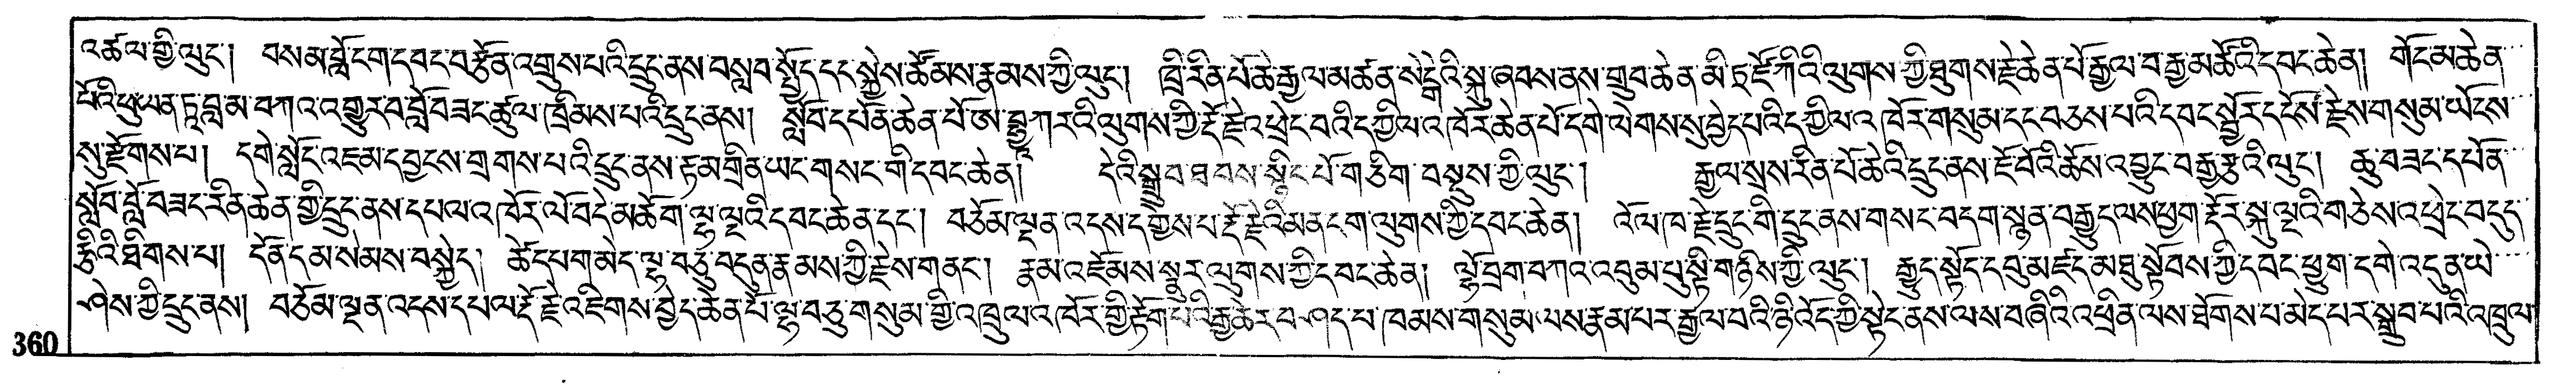འཚལ་གྱི་ལུང་། བསམ་བློ་ངག་དབང་བརྩོན་འགྲུས་པའི་དྲུང་ནས་བསླབ་སྤྱོད་དང་སྐྱེས་ཚོམས་རྣམས་ཀྱི་ལུང་། ཁྲི་རིན་པོ་ཆེ་རྒྱལ་མཚན་སེངྒེའི་སྐུ་ཞབས་ནས་གྲུབ་ཆེན་མི་ཏྲ་ཛོ་ཀིའི་ལུགས་ཀྱི་ཐུགས་རྗེ་ཆེན་པོ་རྒྱལ་བ་རྒྱ་མཚོའི་དབང་ཆེན། གོང་མ་ཆེན་
པོའི་ཕུ་ཡན་ཏཱ་བླ་མ་བཀའ་འགྱུར་བ་བློ་བཟང་ཚུལ་ཁྲིམས་པའི་དྲུང་ནས། སློབ་དཔོན་ཆེན་པོ་ཨ་བྷྱཱ་ཀ་རའི་ལུགས་ཀྱི་རྡོ་རྗེ་འཕྲེང་བའི་དཀྱིལ་འཁོར་ཆེན་པོ་དགེ་ལེགས་སུ་བྱེད་པའི་དཀྱིལ་འཁོར་གསུམ་དང་བཅས་པའི་དབང་སྦྱོར་དངོས་རྗེས་གསུམ་ཡོངས་
སུ་རྫོགས་པ། དགེ་སློང་འཇམ་དབྱངས་གྲགས་པའི་དྲུང་ནས་རྟ་མགྲིན་ཡང་གསང་གི་དབང་ཆེན། དེའི་སྒྲུབ་ཐབས་སྙིང་པོ་གཅིག་བསྡུས་ཀྱི་ལུང་། རྒྱལ་སྲས་རིན་པོ་ཆེའི་དྲུང་ནས་ཇོ་བོའི་ཆོས་འབྱུང་བརྒྱ་རྩའི་ལུང་། ཆུ་བཟང་དཔོན་
སློབ་བློ་བཟང་རིན་ཆེན་གྱི་དྲུང་ནས་དཔལ་འཁོར་ལོ་བདེ་མཆོག་ལྷ་ལྔའི་དབང་ཆེན་དང་། བཅོམ་ལྡན་འདས་ཀྱི་དགྱེས་བ་རྡོ་རྗེའི་མན་ངག་ལུགས་ཀྱི་དབང་ཆེན། འོལ་ཁ་རྗེ་དྲུང་གི་དྲུང་ནས་གསང་བདག་སྙན་བརྒྱུད་ལས་ཕྱག་རྡོར་སྐུ་ལྔའི་གཅེས་འཕྲེང་བདུང་
རྩིའི་ཐིགས་པ། དོན་དམ་སེམས་བསྐྱེད། ཚེ་དཔག་མེད་ལྷ་བཅུ་བདུན་རྣམས་ཀྱི་རྗེས་གནང་། རྣམ་འཇོམས་སྣུར་ལུགས་ཀྱི་དབང་ཆེན། ལྷོ་བྲག་བཀའ་འབུམ་པུ་སྟི་གཉིས་ཀྱི་ལུང་། རྒྱུད་སྟོད་དབུ་མཛད་མཐུ་སྟོབས་ཀྱི་དབང་ཕྱུག་དགེ་འདུན་ཡེ་
ཤེས་ཀྱི་དྲུང་ནས། བཅོམ་ལྡན་འདས་དཔལ་རྡོ་རྗེ་འཇིགས་བྱེད་ཆེན་པོ་ལྷ་བཅུ་གསུམ་གྱི་འཁྲུལ་འཁོར་གྱི་རྟོག་པའི་རྒྱ་ཆེར་བཤད་པ་ཁམས་གསུམ་ལས་རྣམ་པར་རྒྱལ་པའི་ཉི་འོད་ཀྱི་སྟེང་ནས་ལས་བཞིའི་འཕྲིན་ལས་ཐོགས་པ་མེད་པར་སྒྲུབ་པའི་འཁྲུལ་